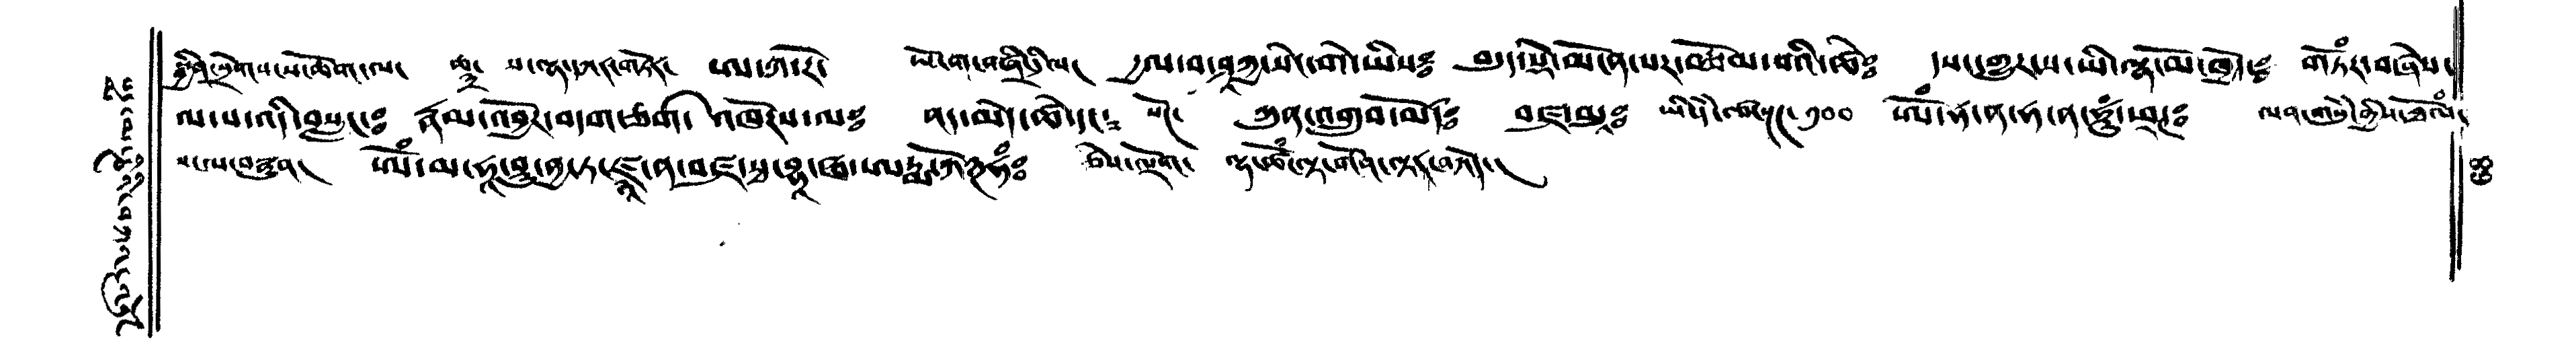༦༨༽ སྦྱིན་སྲེག་ས་ཆོག་ལ། ཆ་གསུམ། ས་ལྷ་དཀར་གཏོར། ཨ་ཀ་རོ། ཡོ་ག་བཞི་དྲིལ། རྒྱལ་བ་ཤཱཀྱ་སེང་གེ་ཡིས༔ བདུད་སྡེ་མངོན་པར་བཅོམ་པའི་ཚེ༔ དཔང་གྱུར་ས་ཡི་ལྷ་མོ་ཁྱོད༔ གཏོར་མ་བཞེས་
ལ་ས་འདི་བསླང༔རྣམ་འབྱོར་བདག་ཅག་འཁོར་བཅས་ལ༔ ནད་མེད་ཚེ་དང༴ སོགས། ཀུན་འགྲུབ་མཛོད༔ བཛྲ་མུཿ ཡི་དམ་རྩ་སྔགས་བརྒྱ། ཨོཾ་ཧ་ན་ཧ་ན་ཧཱུཾ་ཕཊཿ ལན་གསུམ་གྱིས་ཐལ་མོ་
ས་ལ་བསྣུན ། ཨོཾ་མ་ཧཱ་ཤུ་ནྱ་ཏ་ཛྙཱ་ན་བཛྲ་སྭ་བྷཱ་ཝ་ཨཏྨ་ཀོཉྲཧཾཿ ཅེས་ལྡོག ལྷ་ཚོམ་སྟ་གོན་ལྟར་བགོད་དོ།།